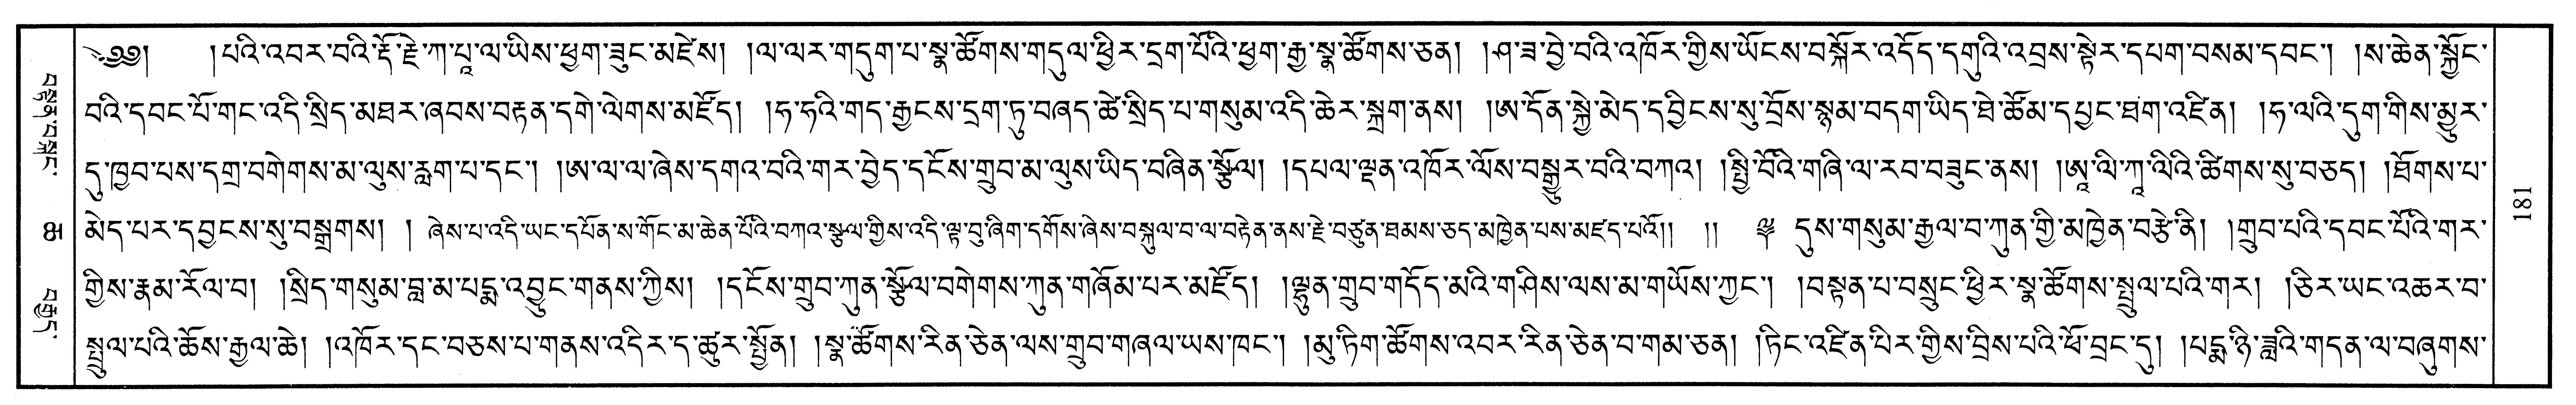༄༅། །པའི་འབར་བའི་རྡོ་རྗེ་ཀ་པཱ་ལ་ཡིས་ཕྱག་ཟུང་མཛེས། །ལ་ལར་གདུག་པ་སྣ་ཚོགས་གདུལ་ཕྱིར་དྲག་པོའི་ཕྱག་རྒྱ་སྣ་ཚོགས་ཅན། །ཤ་ཟ་བྱེ་བའི་འཁོར་གྱིས་ཡོངས་བསྐོར་འདོད་དགུའི་འབྲས་སྟེར་དཔག་བསམ་དབང་། །ས་ཆེན་སྐྱོང་
བའི་དབང་པོ་གང་འདི་སྲིད་མཐར་ཞབས་བརྟན་དགེ་ལེགས་མཛོད། །ཧ་ཧའི་གད་རྒྱངས་དྲག་ཏུ་བཞད་ཚེ་སྲིད་པ་གསུམ་འདི་ཆེར་སྐྲག་ནས། །ཨ་དོན་སྐྱེ་མེད་དབྱིངས་སུ་བྲོས་སྙམ་བདག་ཡིད་ཐེ་ཚོམ་དཔྱང་ཐག་འཛིན། །ཧ་ལའི་དུག་གིས་མྱུར་
དུ་ཁྱབ་པས་དགྲ་བགེགས་མ་ལུས་རླག་པ་དང་། །ཨ་ལ་ལ་ཞེས་དགའ་བའི་གར་བྱེད་དངོས་གྲུབ་མ་ལུས་ཡིད་བཞིན་སྩོལ། །དཔལ་ལྡན་འཁོར་ལོས་བསྒྱུར་བའི་བཀའ། །སྤྱི་བོའི་གཞི་ལ་རབ་བཟུང་ནས། །ཨཱ་ལི་ཀཱ་ལིའི་ཚིགས་སུ་བཅད། །ཐོགས་པ་
མེད་པར་དབྱངས་སུ་བསྒྲགས། །ཞེས་པ་འདི་ཡང་དཔོན་ས་གོང་མ་ཆེན་པོའི་བཀའ་སྩལ་གྱིས་འདི་ལྟ་བུ་ཞིག་དགོས་ཞེས་བསྐུལ་བ་ལ་བརྟེན་ནས་རྗེ་བཙུན་ཐམས་ཅད་མཁྱེན་པས་མཛད་པའོ།། །། ༈ དུས་གསུམ་རྒྱལ་བ་ཀུན་གྱི་མཁྱེན་བརྩེ་ནི། །གྲུབ་པའི་དབང་པོའི་གར་
གྱིས་རྣམ་རོལ་བ། །སྲིད་གསུམ་བླ་མ་པདམ་འབྱུང་གནས་ཀྱིས། །དངོས་གྲུབ་ཀུན་སྩོལ་བགེགས་ཀུན་གཞོམ་པར་མཛོད། །ལྷུན་གྲུབ་གདོད་མའི་གཤིས་ལས་མ་གཡོས་ཀྱང་། །བསྟན་པ་བསྲུང་ཕྱིར་སྣ་ཚོགས་སྤྲུལ་པའི་གར། །ཅིར་ཡང་འཆར་བ་
སྤྲུལ་པའི་ཆོས་རྒྱལ་ཆེ། །འཁོར་དང་བཅས་པ་གནས་འདིར་ད་ཚུར་སྤྱོན། །སྣ་ཚོགས་རིན་ཅེན་ལས་གྲུབ་གཞལ་ཡས་ཁང་། །མུ་ཏིག་ཚོགས་འབར་རིན་ཅེན་བ་གམ་ཅན། །ཏིང་འཛིན་པིར་གྱིས་བྲིས་པའི་ཕོ་བྲང་དུ། །པདམ་ཉི་ཟླའི་གདན་ལ་བཞུགས་